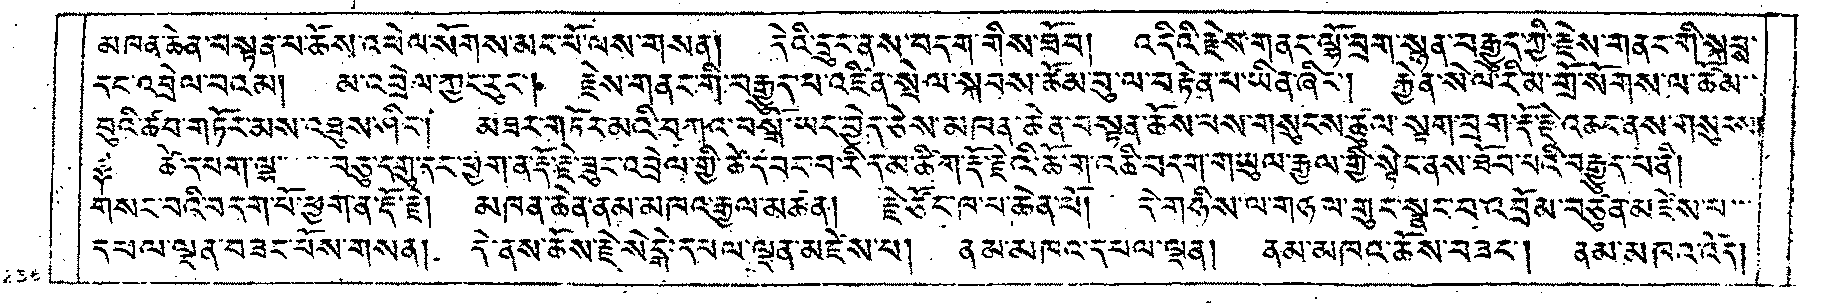མཁན་ཆེན་བསྟན་པ་ཆོས་འཕེལ་སོགས་མང་པོ་ལས་གསན། དེའི་དྲུང་ནས་བདག་གིས་ཐོབ། འདིའི་རྗེས་གནང་ལྷོ་བྲག་སྙན་བརྒྱུད་ཀྱི་རྗེས་གནང་གི་སྐབས་
དང་འབྲེལ་བའམ། མ་འབྲེལ་ཀྱང་རུང་། རྗེས་གནང་གི་བརྒྱུད་པ་འཛིན་སྤེལ་སྐབས་ཚོམ་བུ་ལ་བརྟེན་པ་ཡིན་ཞིང་། རྐྱེན་སེལ་རིམ་གྲོ་སོགས་ལ་ཚོམ་
བུའི་ཚབ་གཏོར་མས་འཐུས་ཤིང་། མཐར་གཏོར་མའི་བཀའ་བསྒོ་ཡང་བྱེད་ཅེས་མཁན་ཆེན་བསྟན་ཆོས་པས་གསུངས་ཚུལ་སྟག་བྲག་རྡོ་རྗེ་འཆང་ནས་གསུངས།
༈ ཚེ་དཔག་ལྷ་བཅུ་དགུ་དང་ཕྱག་ན་རྡོ་རྗེ་ཟུང་འབྲེལ་གྱི་ཚེ་དབང་བ་རི་དམ་ཚིག་རྡོ་རྗེའི་ཆོ་ག་འཆི་བདག་གཡུལ་རྒྱལ་གྱི་སྟེང་ནས་ཐོབ་པའི་བརྒྱུད་པ་ནི།
གསང་བའི་བདག་པོ་ཕྱག་ན་རྡོ་རྗེ། མཁན་ཆེན་ནམ་མཁའ་རྒྱལ་མཚན། རྗེ་ཙོང་ཁ་པ་ཆེན་པོ། དེ་གཉིས་ལ་གཉལ་གུང་སྣང་བ་འབྲོམ་བཙུན་མཛེས་པ་
དཔལ་ལྡན་བཟང་པོས་གསན། དེ་ནས་ཆོས་རྗེ་སེངྒེ་དཔལ་ལྡན་མཛེས་པ། ནམ་མཁའ་དཔལ་ལྡན། ནམ་མཁའ་ཆོས་བཟང་། ནམ་མཁའ་འོད།